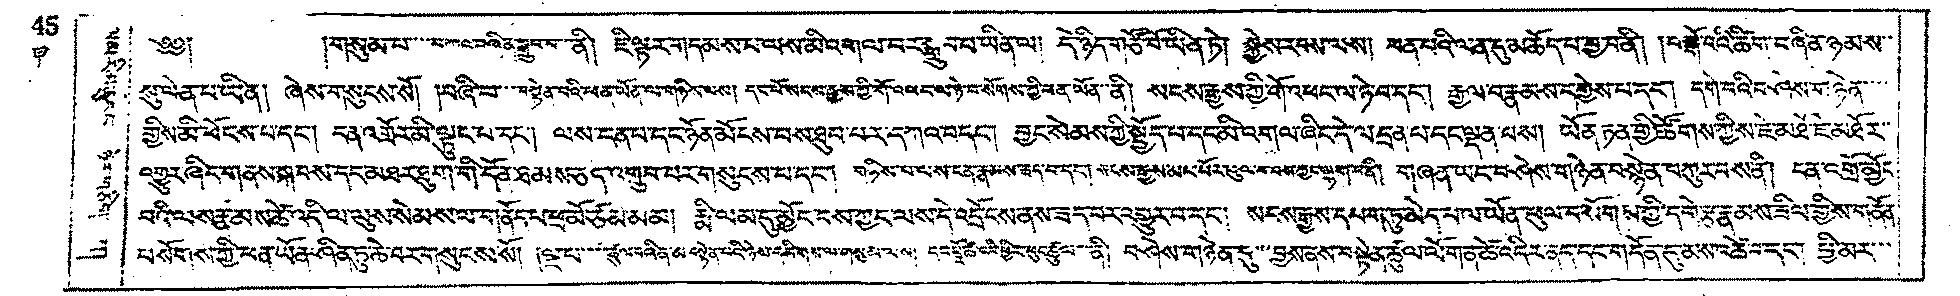༄༅། །གསུམ་པབཀའ་བཞིན་སྒྲུབ་པནི། ཇི་ལྟར་གདམས་པ་ལས་མི་འགལ་བར་སྒྲུབ་པ་ཡིན་ལ། དེ་ཉིད་གཙོ་བོ་ཡིན་ཏེ། སྐྱེས་རབས་ལས། ཕན་པའི་ལན་དུ་མཆོད་པ་བྱ་བ་ནི། །བསྒོ་བའི་ཚིག་བཞིན་ཉམས་
སུ་ལེན་པ་ཡིན། ཞེས་གསུངས་སོ། །བཞི་པབསྟེན་པའི་ཕན་ཡོན་ལ་གཉིས་ལས། དང་པོ་སངས་རྒྱས་ཀྱི་གོ་འཕང་ལ་ཉེ་བ་སོགས་ཀྱི་ཕན་ཡོན་ནི། སངས་རྒྱས་ཀྱི་གོ་འཕང་ལ་ཉེ་བ་དང་། རྒྱལ་བ་རྣམས་དགྱེས་པ་དང་། དགེ་བའི་བཤེས་གཉེན་
གྱིས་མི་ཕོངས་པ་དང་། ངན་འགྲོར་མི་ལྟུང་བ་དང་། ལས་ངན་པ་དང་ཉོན་མོངས་པས་ཐུབ་པར་དཀའ་བ་དང་། བྱང་སེམས་ཀྱི་སྤྱོད་པ་དང་མི་འགལ་ཞིང་དེ་ལ་དྲན་པ་དང་ལྡན་པས། ཡོན་ཏན་གྱི་ཚོགས་ཀྱིས་ཇེ་མཐོ་ཇེ་མཐོར་
འགྱུར་ཞིང་གནས་སྐབས་དང་མཐར་ཐུག་གི་དོན་ཐམས་ཅད་འགྲུབ་པར་གསུངས་པ་དང་། གཉིས་པ་ལས་ངན་རྣམས་ཟད་པ་དང་། སངས་རྒྱས་མང་པོར་ཕུལ་བ་བས་ཀྱང་ལྷག་པ་ནི།  གཞན་ཡང་བཤེས་གཉེན་བསྙེན་བཀུར་བས་ནི། ངན་འགྲོ་མྱོང་
བའི་ལས་རྣམས་ཚེ་འདི་ལ་ལུས་སེམས་ལ་གནོད་པ་ཕྲ་མོ་ཙམ་མམ། རྨི་ལམ་དུ་མྱོང་བས་ཀྱང་ལས་དེ་འདྲོངས་ནས་ཟད་པར་འགྱུར་བ་དང་། སངས་རྒྱས་དཔག་ཏུ་མེད་པ་ལ་ཡོན་ཕུལ་བ་སོགས་ཀྱི་དགེ་རྩ་རྣམས་ཟིལ་གྱིས་གནོན་
པ་སོགས་ཀྱི་ཕན་ཡོན་ཤིན་ཏུ་ཆེ་བར་གསུངས་སོ། །ལྔ་པཚུལ་བཞིན་མ་བསྟེན་པའི་ཉེས་དམིགས་ལ་གསུམ་ལས། དང་པོར་ཚེ་འདི་ཕྱིར་ཕུད་ཚུལནི། བཤེས་གཉེན་དུབྱས་ནས་བསྟེན་ཚུལ་ལོག་ན་ཚེ་འདིར་ནད་དང་གདོན་དུ་མས་འཚེ་བ་དང་། ཕྱི་མར་